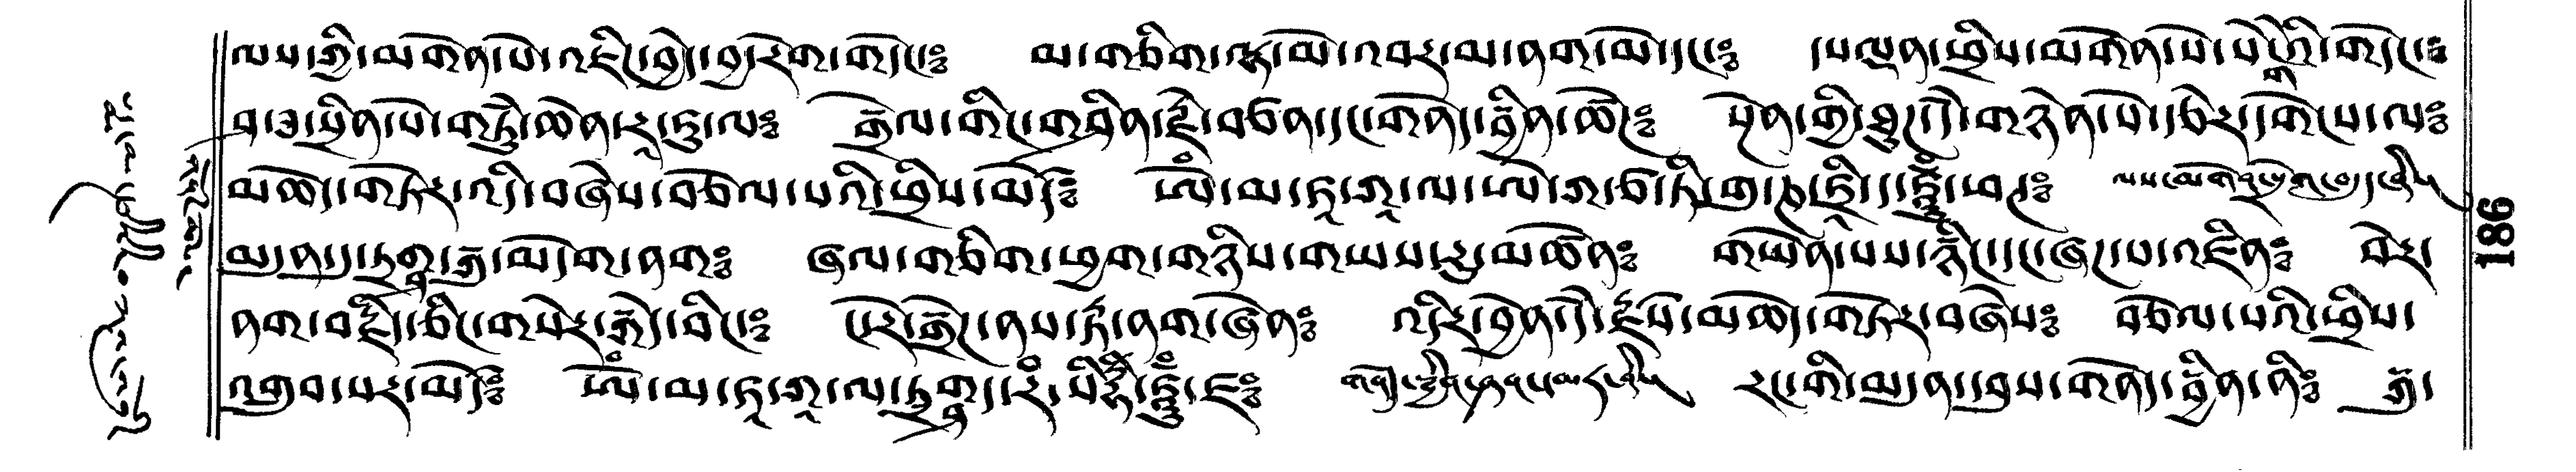ལས་ཀྱི་མགོན་པོ་འཇིགས་བྱེད་བྱ་རོག་གདོང༔ མ་གཅིག་ལྷ་མོ་འབར་མ་ནག་མོ་དང༔ དཔལ་ལྡན་ཕྲིན་ལས་མགོན་པོ་སེངྒེའི་གདོང༔ 
ཤ་ཟ་སྲིན་པོ་གཏུམ་ཆེན་རཱ་ཧུ་ལ༔ སྒྲོལ་གིང་གཤིན་རྗེ་བཙན་དང་གནོད་སྦྱིན་ཚོགས༔ སྔོན་གྱི་ཐུགས་དམ་གཉེན་པོ་བརྩེར་དགོངས་ལ༔ 
མཆོད་གཏོར་འདི་བཞེས་བཅོལ་པའི་ཕྲིན་ལས་མཛོད༔ ཨོཾ་མ་ཧཱ་ཀཱ་ལ་ཨེ་ཀ་ཙ་ཏི་གུ་ཎ་ཧྲཱི་ད་ཧཱུྃ་ཕཊ༔ ལས་མགོན་སྲོག་བདུད་ནི། 
མདུན་དུ་ཏྲག་ཤད་སྐུ་མདོག་ནག༔ ཞལ་གཅིག་ཕྱག་གཉིས་གཡས་རུ་མཚོན༔ གཡོན་པས་སྙིང་དང་ཞགས་པ་འཛིན༔ བེར་
ནག་བརྗིད་ཅིང་གསེར་སྐེད་བིང༔ ང་རོ་སྒྲོགས་ནས་རྟ་ནག་ཞོན༔ འདིར་བྱོན་དམ་རྫས་མཆོད་གཏོར་བཞེས༔ བཅོལ་པའི་ཕྲིན་ལས་
འགྲུབ་པར་མཛོད༔ ཨོཾ་མ་ཧཱ་ཀཱ་ལ་ཏྲག་ཤད་རཾ་སིདྡྷི་ཧཱུྃ་ཛ༔ གནོད་སྦྱིན་ཤན་དམར་ནི༔ རང་གི་མདུན་དབུས་གནོད་སྦྱིན་ནི༔ སྐུ་